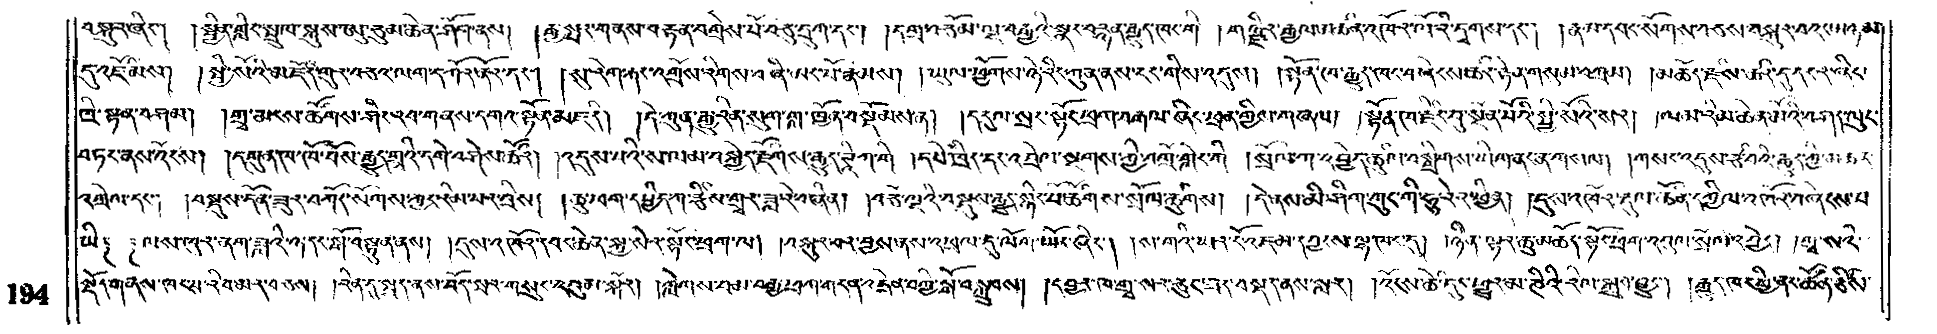བསྐུར་ཞིང་། །སྦྱིན་གླིང་སྤྲུལ་སྐུས་ཨུ་ཅུམ་ཆེན་ཤོག་ནས། །རྒྱ་སྤར་གནས་བརྟན་བགྲེས་པོ་བཅུ་དྲུག་དང་། །དགྲ་བཅོམ་ལྔ་བརྒྱའི་སྣང་བརྙན་རྒྱུད་ཁང་གི །གཉྫིར་རྒྱལ་མཚན་འཁོར་ལོ་རི་དྭགས་དང་། །རྣམ་དབང་སོགས་བཅས་བསྐུར་བའང་མཉམ་
དུ་འཛོམས། །སྤྱི་སོའི་མཛོད་གུར་བཅའ་ལག་དཀོར་ནོར་དང་། །སུ་རེག་རྐང་འགྲོས་རིགས་བཞི་མང་པོ་རྣམས། །ཡུལ་ཕྱོགས་ཉེ་རིང་ཀུན་ནས་ངང་གིས་འདུས། །སྟོན་ཁ་རྒྱུད་ཁང་བཞེངས་ཚར་རྟེན་གསུམ་བཀྲམ། །མཆོད་རྫས་ཚར་དུ་དངར་ཞིང་
ཁྲི་སྟན་བཤམ། །གྲྭ་མངས་ཚོགས་ཤིང་རབ་གནས་དགའ་སྟོན་མཛད། །དེ་ཀུན་རྒྱུ་རིན་སུག་གླ་ཁྱོན་བསྡོམས་ན། །དངུལ་སྲང་སྟོང་ཕྲག་བརྒལ་ཞིང་ཕྲན་གྱིས་གཞལ། །སྟོན་ཁ་རྫིང་བུ་སྔོན་པོའི་སྤྱི་སོའི་སར། །ལམ་རིམ་ཆེན་མོའི་བཤད་ལུང་
བཏང་ནས་འོངས། །དགུན་ཁ་ཁོ་བོས་རྒྱུད་གྲྭའི་དགེ་བཤེས་ཚོར། །འདུས་པའི་ས་ལམ་བསྐྱེད་རྫོགས་རྒྱུད་ཊཱིཀ་གི །དཔེ་ཁྲིད་དང་འབྲེལ་སྔགས་ཀྱི་བགྲོ་གླེང་གི །སྲོལ་ཀ་འབྱེད་ཚུལ་བསྒྲིགས་ཡིག་ནང་ན་གསལ། །གསང་འདུས་རྩ་བའི་རྒྱུད་ཀྱི་མཆར་
འགྲེལ་དང༑ །བསྡུས་དོན་ཟུར་བཀོད་སོགས་ཀྱང་རིམ་པར་བྲིས། །ཆུ་ཕག་དཔྱིད་ཀ་རྩིས་གྲྭར་ཟླ་རེ་བཞིན། །བཅོ་ལྔའི་བསྡུས་རྒྱུད་སྙིང་པོ་ཚོགས་སྲོལ་ཚུགས། །དེ་ནས་མི་ཤིག་གུང་གི་ཧུ་རེར་ཕྱིན། །དུས་འཁོར་རྡུལ་ཚོན་དཀྱིལ་འཁོར་བཞེངས་པ་
ཡི༑ ༑ལས་ཁུར་ནག་ཟླའི་ཉ་དང་སྒོ་བསྟུན་ནས། །དུས་འཁོར་དབང་ཆེན་སྐྱ་སེར་སྟོང་ཕྲག་ལ། །བསྐུར་བར་བྱས་ནས་འཕྲལ་དུ་ལོག་ཡོང་ཞིང་། །ས་གའི་ཡར་ངོ་འཇམ་དབྱངས་ལྷ་ཁང་དུ། །ཉིན་ལྟར་ཆུ་མཆོད་སྟོང་ཕྲག་འབུལ་སྲོལ་འབྱེད། །གྲྭ་སའི་
སྡོད་གནས་ཁང་པ་རིབ་མར་བཅས། །རིན་དུ་སྤྲད་ནས་བོད་སྤར་གསུང་འབུམ་སྐོར། །གླེགས་བམ་བརྒྱ་ཕྲག་གདན་འདྲེན་བགྱི་སྒོ་བསྒྲུབས། །དབྱར་ཁ་གྲྭ་སར་ཅུང་ཟད་བསྡད་ནས་སླར། །འོངས་ཚེ་དུང་ཕྱུར་མ་ཎིའི་རིལ་སྒྲུབ་བྱུང་། །རྒྱུད་ཁང་ཕྱི་ནང་ཚོན་རྩིས་